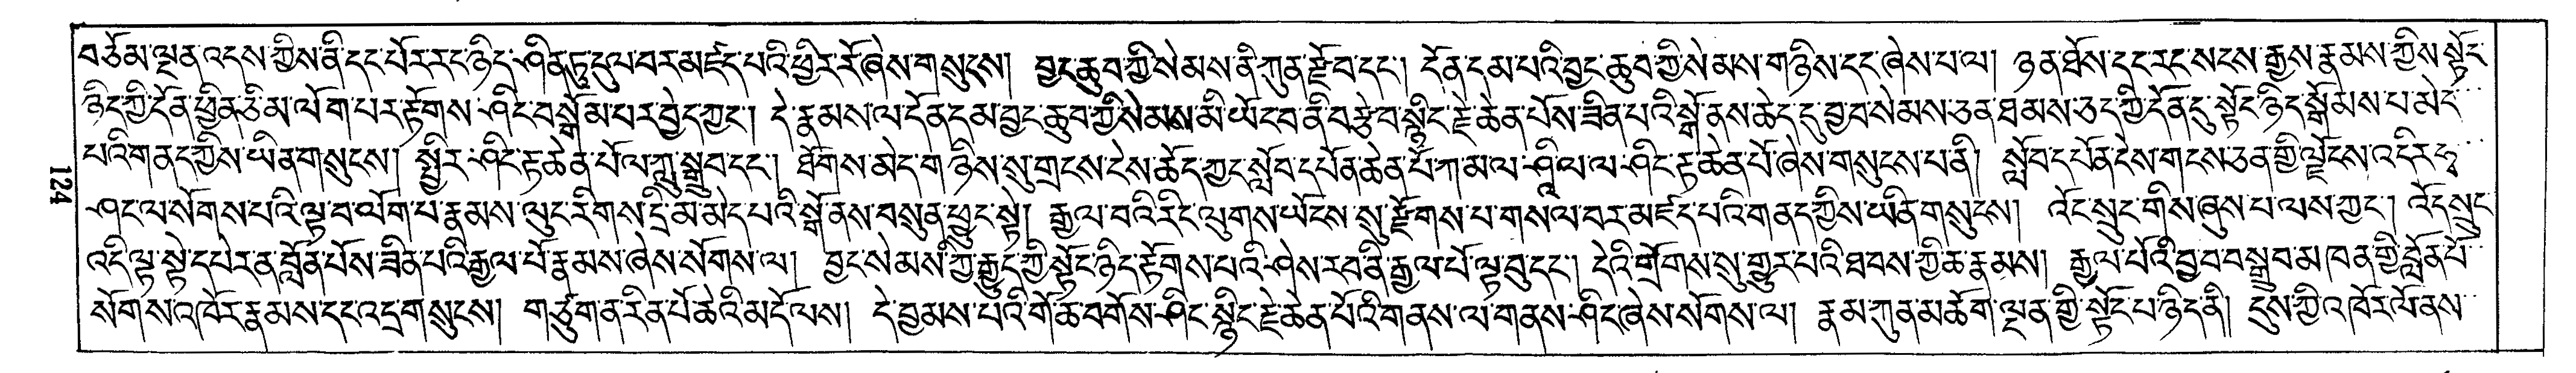བཅོམ་ལྡན་འདས་ཀྱིས་ནི་དང་པོར་རང་ཉིད་ཤིན་ཏུ་དུལ་བར་མཛད་པའི་ཕྱིར་རོ་ཞེས་གསུངས། བྱང་ཆུབ་ཀྱི་སེམས་ནི་ཀུན་རྫོབ་དང་། དོན་དམ་པའི་བྱང་ཆུབ་ཀྱི་སེམས་གཉིས་དང་ཞེས་པ་ལ། ཉན་ཐོས་དང་རང་སངས་རྒྱས་རྣམས་ཀྱིས་སྟོང་
ཉིད་ཀྱི་དོན་ཕྱིན་ཅི་མ་ལོག་པར་རྟོགས་ཤིང་བསྒོམ་པར་བྱེད་ཀྱང་། དེ་རྣམས་ལ་དོན་དམ་བྱང་ཆུབ་ཀྱི་སེམས་མི་ཡོང་བ་ནི་བརྩེ་བ་སྙིང་རྗེ་ཆེན་པོས་ཟིན་པའི་སྒོ་ནས་ཆེད་དུ་བྱ་བ་སེམས་ཅན་ཐམས་ཅད་ཀྱི་དོན་དུ་སྟོང་ཉིད་སྒོམས་པ་མེད་
པའི་གནད་ཀྱིས་ཡིན་གསུངས། སྤྱིར་ཤིང་རྟ་ཆེན་པོ་ལ་ཀླུ་སྒྲུབ་དང་། ཐོགས་མེད་གཉིས་སུ་གྲངས་ངེས་ཆོས་ཀྱང་སློབ་དཔོན་ཆེན་པོ་ཀ་མ་ལ་ཤཱི་ལ་ལ་ཤིང་རྟ་ཆེན་པོ་ཞེས་གསུངས་པ་ནི། སློབ་དཔོན་དེས་གངས་ཅན་གྱི་ལྗོངས་འདིར་ཧ་
ཤང་ལ་སོགས་པའི་ལྟ་བ་ལོག་པ་རྣམས་ལུང་རིགས་དྲི་མ་མེད་པའི་སྒོ་ནས་བསུན་ཕྱུང་སྟེ། རྒྱལ་བའི་རིང་ལུགས་ཡོངས་སུ་རྫོགས་པ་གསལ་བར་མཛད་པའི་གནད་ཀྱིས་ཡིན་གསུངས། འོད་སྲུང་གིས་ཞུས་པ་ལས་ཀྱང་། འོད་སྲུང་
འདི་ལྟ་སྟེ་དཔེར་ན་བློན་པོས་ཟིན་པའི་རྒྱལ་པོ་རྣམས་ཞེས་སོགས་ལ། བྱང་སེམས་ཀྱི་རྒྱུད་ཀྱི་སྟོང་ཉིད་རྟོགས་པའི་ཤེས་རབ་ནི་རྒྱལ་པོ་ལྟ་བུ་དང་། དེའི་གྲོགས་སུ་གྱུར་པའི་ཐབས་ཀྱི་ཆ་རྣམས། རྒྱལ་པོའི་བྱ་བ་བསྒྲུབ་མཁན་གྱི་བློན་པོ་
སོགས་འཁོར་རྣམས་དང་འདྲ་གསུངས། གཙུག་ན་རིན་པོ་ཆེའི་མདོ་ལས། དེ་བྱམས་པའི་གོ་ཆ་བགོས་ཤིང་སྙིང་རྗེ་ཆེན་པོའི་གནས་ལ་གནས་ཤིང་ཞེས་སོགས་ལ། རྣམ་ཀུན་མཆོག་ལྡན་གྱི་སྟོང་པ་ཉིད་ནི། དུས་ཀྱི་འཁོར་ལོ་ནས་